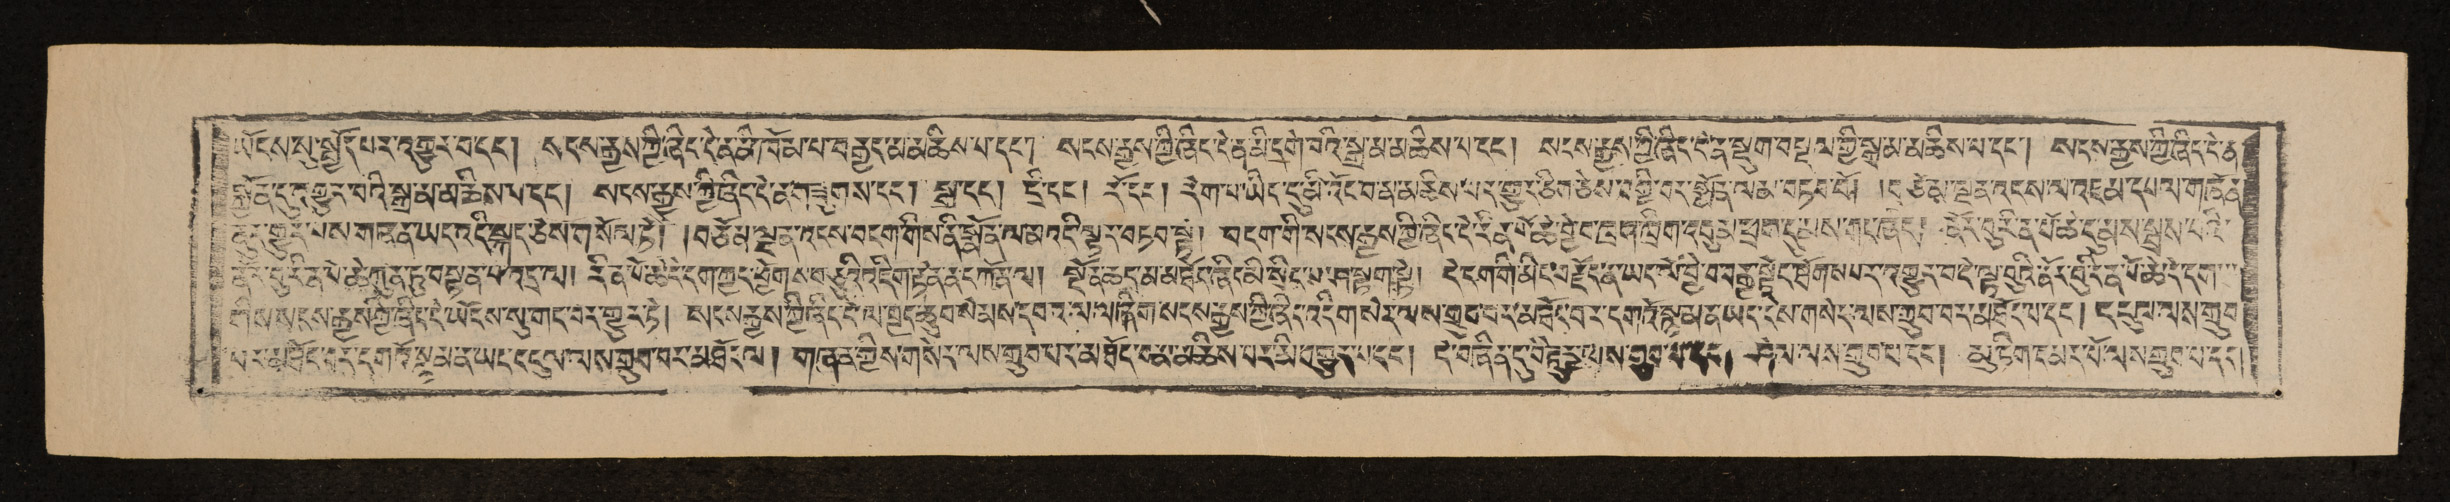ཡོངས་སུ་སྤྱོད་པར་འགྱུར་བ་དང་། སངས་རྒྱས་ཀྱི་ཞིང་དེ་ན་མི་ཁོམ་པ་བརྒྱད་མ་མཆིས་པ་དང་། སངས་རྒྱས་ཀྱི་ཞིང་དེ་ན་མི་དགེ་བའི་སྒྲ་མ་མཆིས་པ་དང་། སངས་རྒྱས་ཀྱི་ཞིང་དེ་ན་སྡུག་བསྔལ་གྱི་སྒྲ་མ་མཆིས་པ་དང་། སངས་རྒྱས་ཀྱི་ཞིང་དེ་ན་
སྐྱོན་དུ་འགྱུར་བའི་སྒྲ་མ་མཆིས་པ་དང་། སངས་རྒྱས་ཀྱི་ཞིང་དེ་ན་གཟུགས་དང་། སྒྲ་དང་། དྲི་དང་། རོ་དང་། རེག་པ་ཡིད་དུ་མི་འོང་བ་མ་མཆིས་པར་གྱུར་ཅིག་ཅེས་བགྱི་བར་སྨོན་ལམ་བཏབ་བོ། །བཅོམ་ལྡན་འདས་ལ་འཇམ་དཔལ་གཞོན་
ནུར་གྱུར་པས་གཞན་ཡང་འདི་སྐད་ཅེས་གསོལ་ཏོ། །བཅོམ་ལྡན་འདས་བདག་གིས་ནི་སྨོན་ལམ་འདི་ལྟར་བཏབ་སྟེ། བདག་གི་སངས་རྒྱས་ཀྱི་ཞིང་དེ་རིན་པོ་ཆེ་བྱེ་བ་ཁྲག་ཁྲིག་འབུམ་ཕྲག་དུ་མས་གང་ཞིང་། ནོར་བུ་རིན་པོ་ཆེ་དུ་མས་སྤྲས་པའི་
ནོར་བུ་རིན་པོ་ཆེ་ཀུན་ཏུ་བསྟན་པ་འདྲ་ལ། རིན་པོ་ཆེ་དེ་དག་ཀྱང་ཕྱོགས་བཅུའི་འཇིག་རྟེན་ན་དཀོན་ལ། སྔོན་ཆད་མ་མཐོང་ཞིང་མི་སྲིད་པ་ཤ་སྟག་སྟེ། དེ་དག་གི་མིང་བརྗོད་ན་ཡང་ལོ་བྱེ་བ་བརྒྱ་སྟོང་ཐོགས་པར་འགྱུར་བ་དེ་ལྟ་བུའི་ནོར་བུ་རིན་པོ་ཆེ་དེ་དག་
གིས་སངས་རྒྱས་ཀྱི་ཞིང་དེ་ཡོངས་སུ་གང་བར་གྱུར་ཏེ། སངས་རྒྱས་ཀྱི་ཞིང་དེ་ལ་བྱང་ཆུབ་སེམས་དཔའ་ལ་ལ་ཞིག་སངས་རྒྱས་ཀྱི་ཞིང་འདི་གསེར་ལས་གྲུབ་པར་མཐོང་བར་དགའོ་སྙམ་ན་ཡང་དེས་གསེར་ལས་གྲུབ་པར་མཐོང་བ་དང་། དངུལ་ལས་གྲུབ་
པར་མཐོན་བར་དགའོ་སྙམ་ན་ཡང་དངུལ་ལས་གྲུབ་པར་མཐོང་ལ། གཞན་གྱིས་གསེར་ལས་གྲུབ་པར་མཐོང་བ་མ་མཆིས་པར་མི་འགྱུར་བ་དང་། དེ་བཞིན་དུ་བཻཌཱུརྱ་ལས་གྲུབ་པ་དང་། ཤེལ་ལས་གྲུབ་པ་དང་། མུ་ཏིག་དམར་པོ་ལས་གྲུབ་པ་དང་།